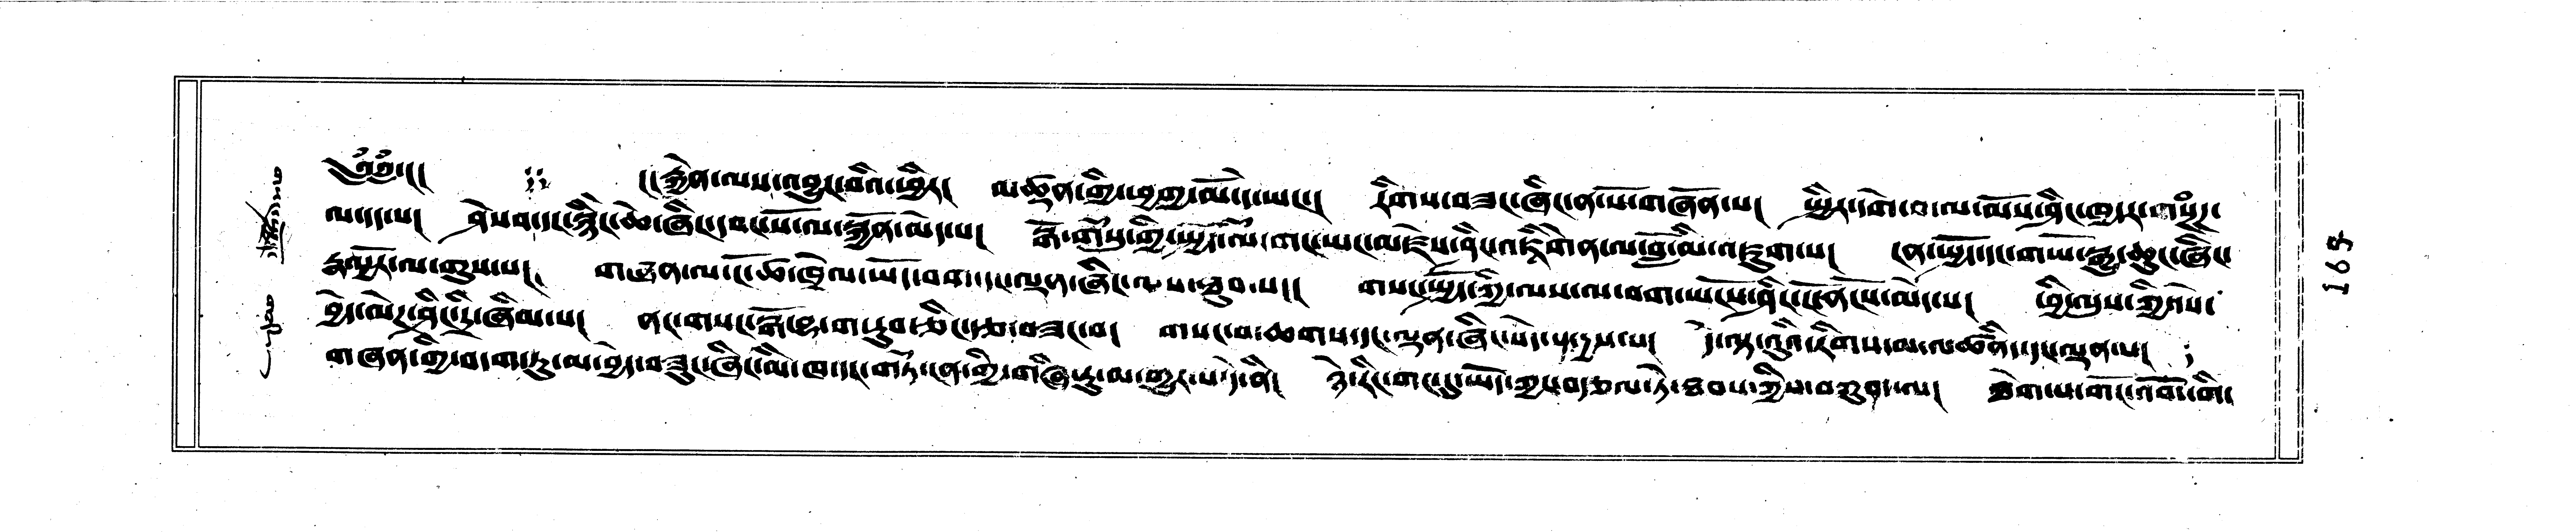རྐྱེན་ལས་འབྱུང་བའི་ཕྱིར། མཚན་ལྡན་གྱི་ཕྱག་རྒྱ་མོ་དེ་ཡང་། རིགས་བཟང་ཞིང་ན་སོ་གཞོན་པ། སྤྱིར་དགེ་བ་ལ་མོས་ཤིང་། ཁྱད་པར་གསང་སྔགས་
ལ་དད་པ། ཤེས་རབ་དང་སྙིང་རྗེ་ཆེ་ཞིང་དབང་པོ་ལ་སྐྱོན་མེད་པ། སྒོ་གསུམ་གྱི་སྤྱོད་ལམ་གང་ཡང་མཛེས་ཤིང་འཇིག་རྟེན་ལ་བློ་མི་འཇུག་པ། ངན་སྤྱོད་དང་གཡོ་སྒྱུ་ཆུང་ཞིང་
རྣལ་འབྱོར་ལ་གུས་པ། གཞན་ལ་ངོ་ཚ་ཁྲེལ་ཡོད་བག་དང་ལྡན་ཞིང་ལས་ཐུབ་པ། གསང་སྤྱོད་ཀྱི་ལས་ལ་བག་ཡངས་ཤིང་ངོ་གནོང་མེད་པ། ཕྱི་ལུས་ཀྱི་དཔེ་
བྱད་ལེགས་ཤིང་དྲི་ཞིམ་པ། ནང་གསང་སྒོ་བྷ་ག་རུབ་ཅིང་རྩ་བཟང་བ། གསང་བ་ཆགས་དང་ལྡན་ཞིང་བདེ་བ་རྒྱས་པ། དེ་ལྟ་བུའི་རིག་མ་མཚན་ཉིད་དང་ལྡན་པ། 
གཞན་གྱིས་བདག་ཏུ་མ་བཟུང་ཞིང་མི་ཁ་དང་གཏམ་ངན་གྱི་གཞི་རུ་མ་གྱུར་པ་དེ་ནི། ཉེི་རིང་གང་དུ་ཡོད་ཀྱང་བཙལ་ཏེ་ཐབས་ཀྱིས་བཀུག་ལ། ཐེག་པ་གོང་འོག་གི་